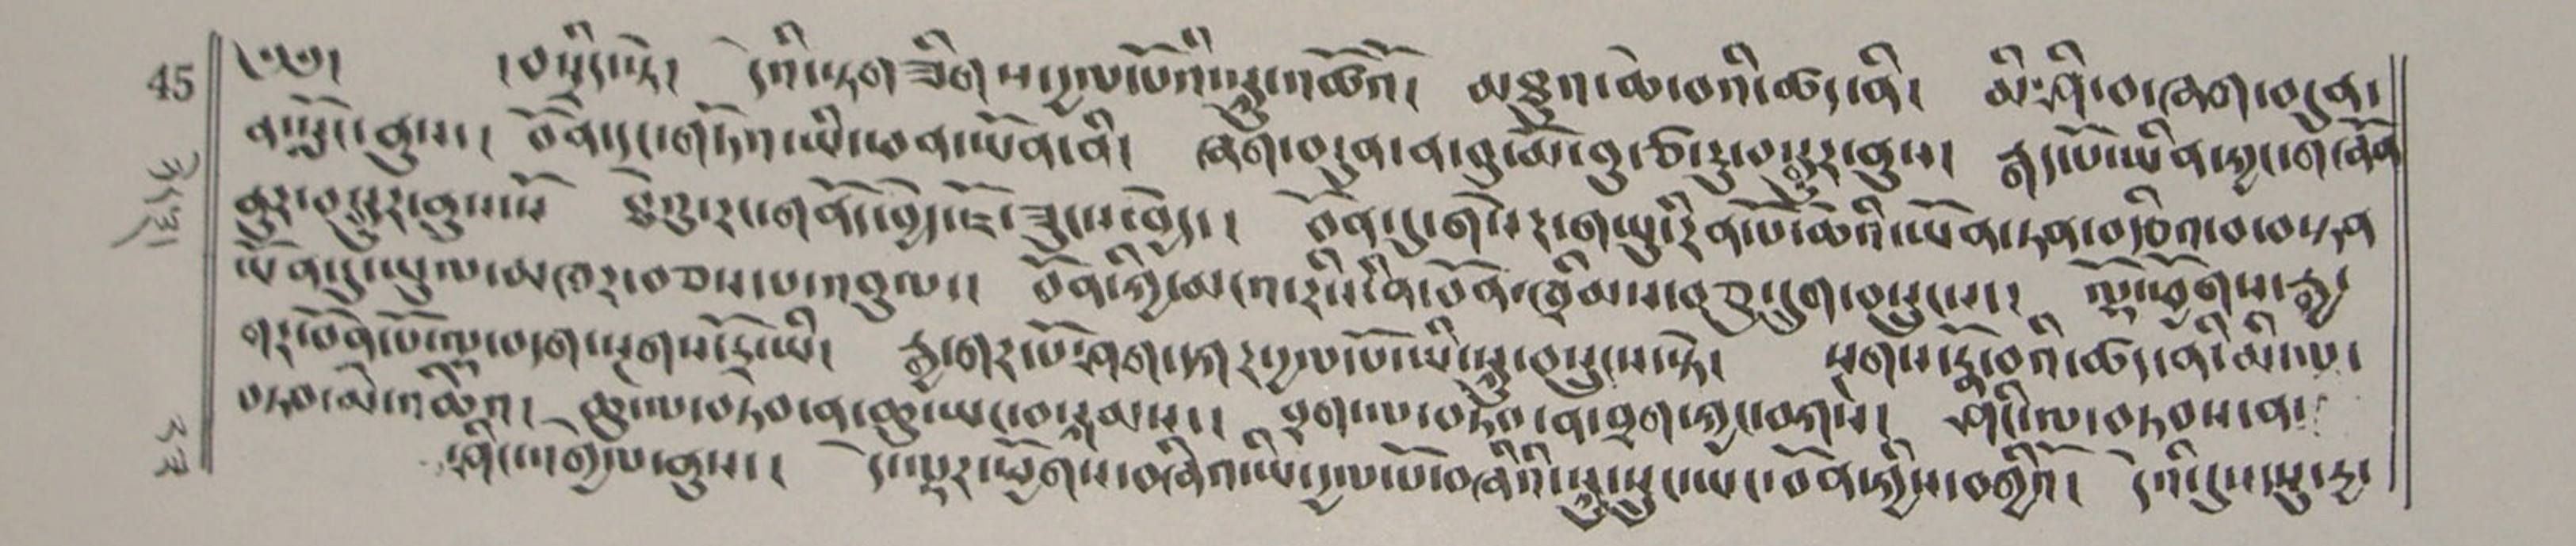༄༅། །བསྲིད་དེ། དེའི་སྟག་གཟིག་རྒྱལ་བོའི་སྐུ་འཚོའོ། །མཐུའ་ཆེ་བའི་ཚད་ནི། མི་ཤི་བ་ཞག་བདུན་
ནས་སློང་ནུས། །བོན་དང་གཏོའི་ཕན་ཡོན་ནི། ཞག་བདུན་ནས་བུ་མོ་བུ་ཙ་རུ་བསྒྱུར་ནུས། །རྒད་པོ་ཡིན་ཀྱང་གཞོན་
ནུ་རུ་བསྒྱུར་ནུས་སོ། །ཐེའུ་རང་དང་གནོད་བྱེད་ཇོ་ཟུངས་བྱེད། བོན་དུ་གསེར་གཡུ་རིན་པོ་ཆེའི་ཡོན་ཏན་བརྩི་བ་བསྟན།
 ཡོན་དུ་ཡུལ་མཁར་བཅས་པ་འབུལ། བོན་གྱི་མངའ་རིས་ནི་བོན་ཁྲིམས་བཅུ་དྲུག་བསྲུངས། ལྷོ་ཕྱོགས་རྒྱ་
གར་གྱི་ཡུལ་དུ། རྒྱ་གར་གྱི་བོན་པོ་ལྷ་བདག་སྔགས་དྲོ་ཡིས། རྒྱ་གར་པོ་ཤཱག་ཀར་རྒྱལ་བོའི་སྐུ་བསྲུངས་ཏེ། སྔགས་རྣོ་བའི་ཚད་ནི་མི་ལ་
བཏབས་ན་མི་འཆི། ཆུ་ལ་བཏབས་ན་ཆུ་ཡང་སྐམས། བྲག་ལ་བཏབས་ན་བྲག་ཀྱང་བཀས། ཤིང་ལ་བཏབས་ན་
ཤིང་འགྱེལ་ནུས། དེ་ལྟར་ཕྱོགས་བཞིའི་རྒྱལ་བོ་བཞི་ཡི་སྐུ་བསྲུངས་ཡང་བོན་གྱིས་བགྱིའོ། །དེའི་དུས་སུ་རྒྱ་